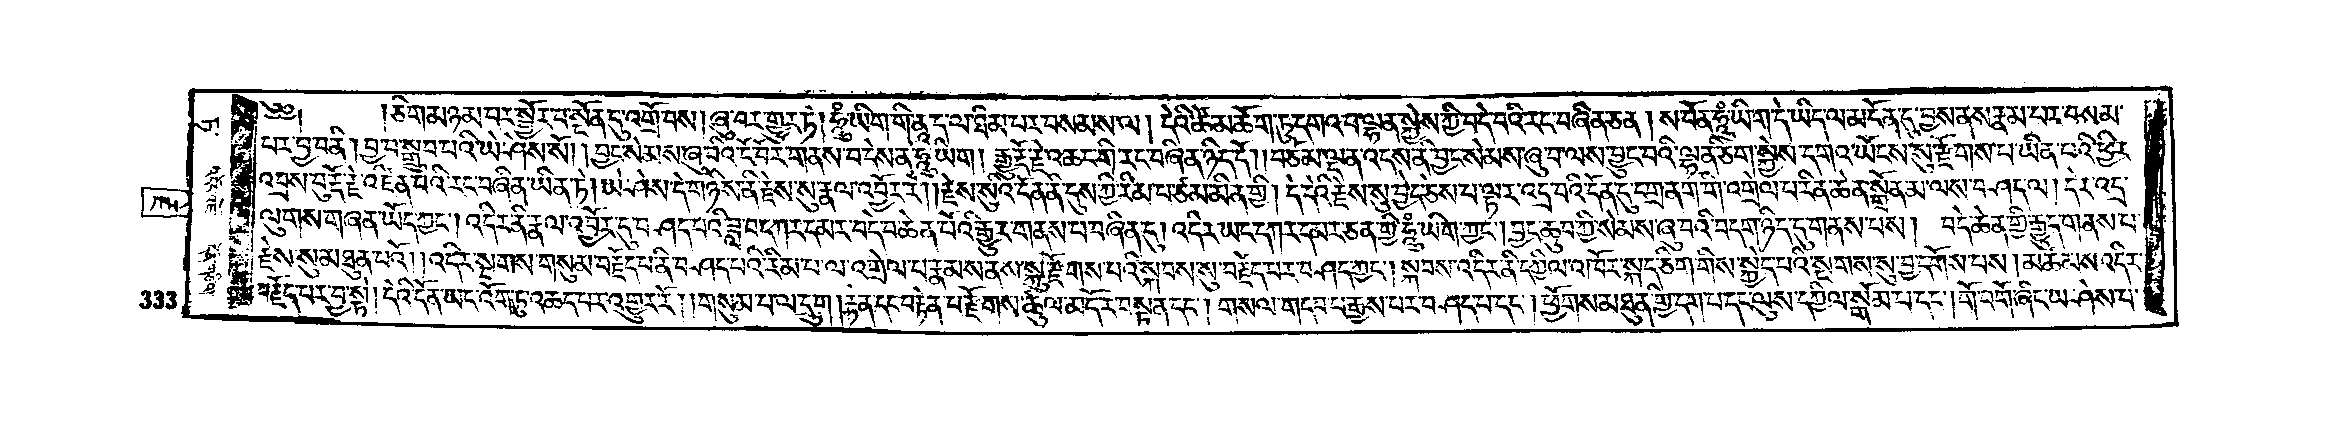༄༅། །ཅིག་མཉམ་པར་སྦྱོར་བ་སྔོན་དུ་འགྲོ་བས། ཞུ་བར་གྱུར་ཏེ། ཧཱུཾ་ཡིག་གི་ནཱ་ད་ལ་ཐིམ་པར་བསམས་ལ། དེའི་ཚེ་མཆོག་ཏུ་དགའ་བ་ལྷན་སྐྱེས་ཀྱི་བདེ་བའི་རང་བཞིན་ཅན། ས་བོན་ཧཱུཾ་ཡིག་དེ་ཡིད་ལ་མངོན་དུ་བྱས་ནས་རྣམ་པར་བསམ་
པར་བྱ་བ་ནི། བྱ་བ་སྒྲུབ་པའི་ཡེ་ཤེས་སོ། །བྱང་སེམས་ཞུ་བའི་ངོ་བོར་གནས་བ་དེས་ན་ཧཱུཾ་ཡིག །རྒྱུ་རྡོ་རྗེ་འཆང་གི་རང་བཞིན་ཉིད་དོ། །བཅོམ་ལྡན་འདས་ནི་བྱང་སེམས་ཞུ་བ་ལས་བྱུང་བའི་ལྷན་ཅིག་སྐྱེས་དགའ་ཡོངས་སུ་རྫོགས་པ་ཡིན་པའི་ཕྱིར་
འབྲས་བུ་རྡོ་རྗེ་འཛིན་པའི་རང་བཞིན་ཡིན་ཏེ། ཡེ་ཤེས་དེ་གཉིས་ནི་རྗེས་སུ་རྣལ་འབྱོར་རོ། །རྗེས་སུའི་དོན་ནི་དུས་ཀྱི་རིམ་པ་ཙམ་མིན་གྱི། དེ་དེའི་རྗེས་སུ་བྱེད་ཅེས་པ་ལྟར་འདྲ་བའི་དོན་དུ་དགྲ་ནག་གི་འགྲེལ་པ་རིན་ཆེན་སྒྲོན་མ་ལས་བཤད་ལ། དེར་འདྲ་
ལུགས་གཞན་ཡོད་ཀྱང་། འདིར་ནི་རྣལ་འབྱོར་དུ་བཤད་པའི་ཟླ་བ་དཀར་དམར་བདེ་བ་ཆེན་པོའི་རྒྱུར་གནས་པ་བཞིན་དུ། འདིར་ཡང་དཀར་དམར་ཅན་གྱི་ཧཱུཾ་ཡིག་ཀྱང་། བྱང་ཆུབ་ཀྱི་སེམས་ཞུ་བའི་བདག་ཉིད་དུ་གནས་པས། བདེ་ཆེན་གྱི་རྒྱུད་གནས་པ་
རྗེས་སུ་མཐུན་པའོ། །འདིར་སྔགས་གསུམ་བརྗོད་པ་ནི་བཤད་པའི་རིམ་པ་ལ་འགྲེལ་པ་རྣམས་ནས་སྐུ་རྫོགས་པའི་སྐབས་སུ་བརྗོད་པར་བཤད་ཀྱང་། སྐབས་འདིར་ནི་དཀྱིལ་འཁོར་སྐད་ཅིག་གིས་སྐྱེད་པའི་སྔགས་སུ་བྱ་དགོས་པས། མཚམས་འདིར་
བརྗོད་པར་བྱ་སྟེ། དེའི་དོན་ཡང་འོག་ཏུ་འཆད་པར་འགྱུར་རོ། །གསུམ་པ་ལ་དྲུག །རྟེན་དང་བརྟེན་པ་རྫོགས་ཚུལ་མདོར་བསྟན་དང་། གསལ་གདབ་པ་རྒྱས་པར་བཤད་པ་དང་། ཕྱོགས་མཐུན་གྱི་དག་པ་དང་ལུས་དཀྱིལ་སྒོམ་པ་དང་། གོ་བགོ་ཞིང་ཡི་ཤེས་པ་